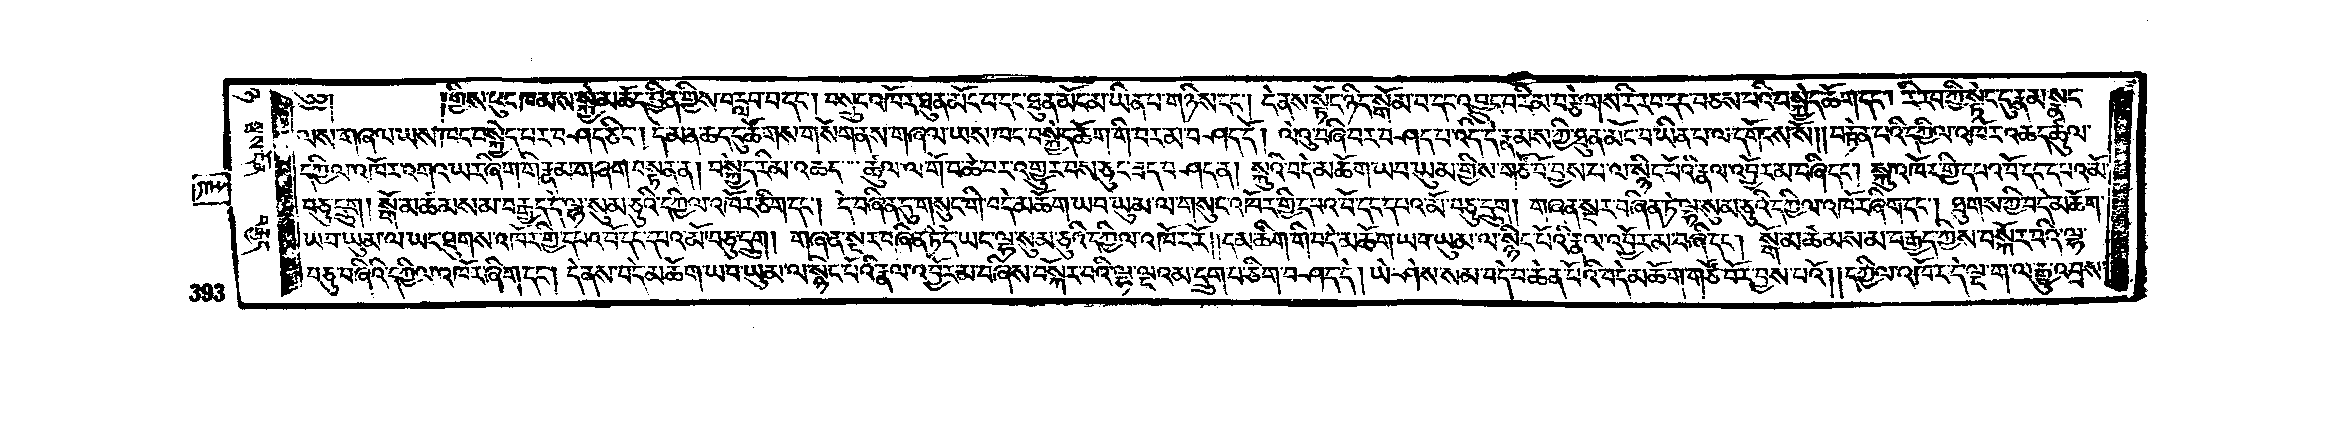༄༅། །གྱིས་ཕུང་ཁམས་སྐྱེ་མཆེད་བྱིན་གྱིས་བརླབ་པ་དང་། བསྲུང་འཁོར་ཐུན་མོང་པ་དང་ཐུན་མོང་བ་ཡིན་པ་གཉིས་དང་། དེ་ནས་སྟོང་ཉིད་སྒོམ་པ་དང་འབྱུང་བ་རིམ་བརྩེགས་རི་རབ་དང་བཅས་པའི་བསྐྱེད་ཆོག་དང་། རི་རབ་ཀྱི་སྟེང་དུ་རྣམ་སྣང་
ལས་གཞལ་ཡས་ཁང་བསྐྱེད་པར་བཤད་ཅིང་། དེ་མན་ཆད་དུ་ཚོགས་གསོག་ནས་གཞལ་ཡས་ཁང་བསྐྱེད་ཆོག་གི་བར་མ་བཤད་དེ། ལེའུ་བཞི་བར་བཤད་པ་འདི་དེ་རྣམས་ཀྱི་ཐུན་མོང་བ་ཡིན་པ་ལ་དགོངས་སོ། །བརྟེན་པའི་དཀྱིལ་འཁོར་འཆད་ཚུལ་
དཀྱིལ་འཁོར་འགའ་ཡར་ཞིག་གི་རྣམ་གཞག་བསྟན་ན། བསྐྱེད་རིམ་འཆད་ཚུལ་ལ་གོ་བ་ཆེ་བར་འགྱུར་བས་ཅུང་ཟད་བཤད་ན། སྐུའི་བདེ་མཆོག་ཡབ་ཡུམ་གྱིས་གཙོ་བོ་བྱས་པ་ལ་སྙིང་པོའི་རྣལ་འབྱོར་མ་བཞི་དང་། སྐུ་འཁོར་གྱི་དཔའ་བོ་དང་དཔའ་མོ་
བཅུ་དྲུག །སྒོ་མཚམས་མ་བརྒྱད་དེ་ལྷ་སུམ་ཅུའི་དཀྱིལ་འཁོར་ཅིག་དང་། དེ་བཞིན་དུ་གསུང་གི་བདེ་མཆོག་ཡབ་ཡུམ་ལ་གསུང་འཁོར་གྱི་དཔའ་བོ་དང་དཔའ་མོ་བཅུ་དྲུག །གཞན་སྔར་བཞིན་ཏེ་ལྷ་སུམ་ཅུའི་དཀྱིལ་འཁོར་ཞིག་དང་། ཐུགས་ཀྱི་བདེ་མཆོག་
ཡབ་ཡུམ་ལ་ཡང་ཐུགས་འཁོར་གྱི་དཔའ་བོ་དང་དཔའ་མོ་བཅུ་དྲུག །གཞན་སྔར་བཞིན་ཏེ་དེ་ཡང་ལྷ་སུམ་ཅུའི་དཀྱིལ་འཁོར་རོ། །དམ་ཚིག་གི་བདེ་མཆོག་ཡབ་ཡུམ་ལ་སྙིང་པོའི་རྣལ་འབྱོར་མ་བཞི་དང་། སྒོ་མཚམས་མ་བརྒྱད་ཀྱིས་བསྐོར་བའི་ལྷ་
བཅུ་བཞིའི་དཀྱིལ་འཁོར་ཞིག་དང་། དེ་ནས་བདེ་མཆོག་ཡབ་ཡུམ་ལ་སྙིང་པོའི་རྣལ་འབྱོར་མ་བཞིས་བསྐོར་བའི་ལྷ་ལྔའམ་དྲུག་པ་ཅིག་བཤད་དེ། ཡེ་ཤེས་སམ་བདེ་བ་ཆེན་པོའི་བདེ་མཆོག་གཙོ་བོར་བྱས་པའོ། །དཀྱིལ་འཁོར་དེ་ལྔ་ག་ལ་རྒྱུ་འབྲས་